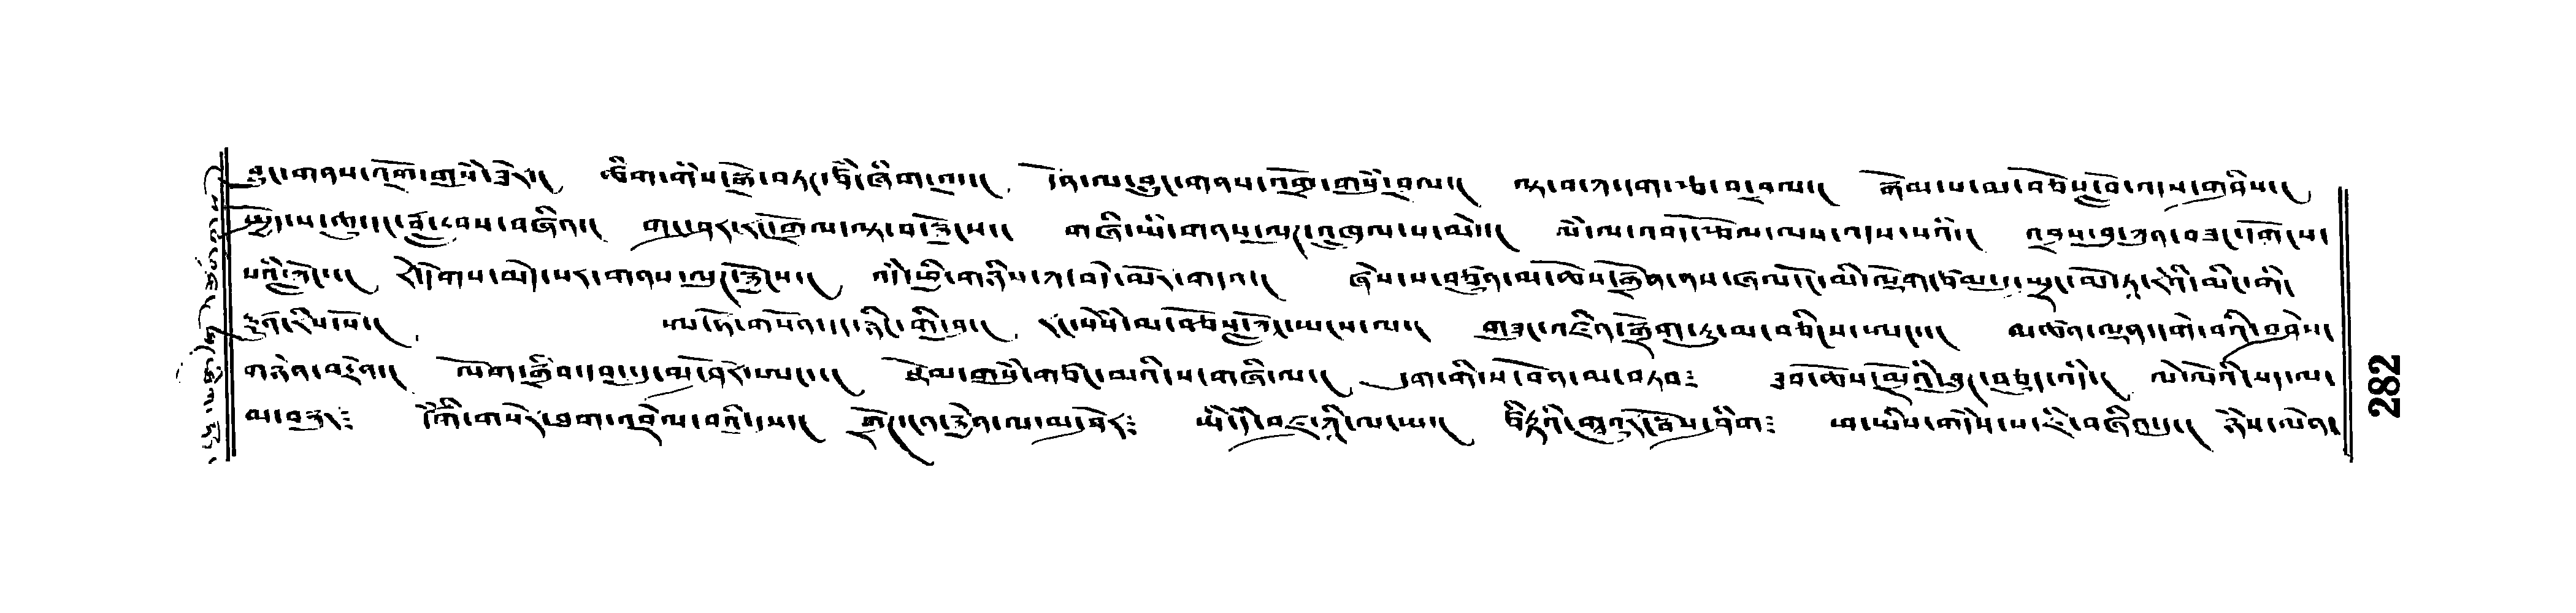བྱུང་གནས་འགྲོ་གསུམ་ཟེར། །ཚིག་གིས་སྒྲོ་བཏགས་ཙམ་ཞིག་འདྲ། །དོན་ལ་བྱུང་གནས་འགྲོ་གསུམ་བྲལ། །ལྟ་བ་ཀ་དག་རྩ་བ་བྲལ། །སྒོམ་པ་མ་བཅོས་བློ་འདས་གཤིས། །
སྤྱོད་པ་ཆུ་དང་རྦ་རླབས་བཞིན། །གང་ཤར་རང་གྲོལ་ལྟ་བ་སྐྱོངས། །གཞི་ཡི་གནས་ལུགས་འཁྲུལ་པ་མེད། །ལམ་ལ་འབད་རྩོལ་ལས་འདས་པའི། །འབྲས་བུ་ཀུན་བཟང་དགོངས་
པའི་ཀློང་། །རེ་དོགས་མེད་པར་གནས་ལུགས་སྐྱོངས། །འདི་ཕྱི་གཉིས་ཀ་བདེ་མོར་གདའ། ཞེས་པ་བཙུན་མ་ཆོས་སྒྲོན་ནས་ཞལ་ངོ་མི་ལྡོག་ཙམ་དུ་སྤྲང་མོ་ཏཱ་རེའི་མིང་གི་
རྫུན་རིས་སོ། ཨ་ཧོ་གསོན་དང་སྙིང་གི་བུ། །རང་སེམས་མ་བཅོས་ཀློང་ཡངས་ལ། །གཟུང་འཛིན་སྒྲོག་ཏུ་མ་བཅིང་ཨང་། །མཚན་ལྡན་དགེ་བའི་བཤེས་
གཉེན་བསྟེན། །ལོག་སྒྲིབ་དབང་དུ་མ་ཤོར་ཨང་། །སྡོམ་གསུམ་གཙང་མའི་ས་གཞི་ལ། །དུག་གི་ས་བོན་མ་བཏབ༴ ཟབ་ཆོས་མཁའ་འགྲོའི་ཐུགས་བཅུད་འདི། །ལེ་ལོའི་སད་ལ་
མ་བསྐུར༴ དམ་ཚིག་གསེར་ཐག་འབྲེལ་བའི་དུས། །གྲོགས་ངན་རྐྱེན་ལ་མ་ཤོར༴ ཡི་དམ་བཛྲ་ཀཱི་ལ་ཡ། །ཙིཏྟའི་གྭའུར་སྦོས་ཤིག༴ཕ་ཡིས་གདམས་པ་ཇི་བཞིན་དུ། །ཉམས་ལེན་